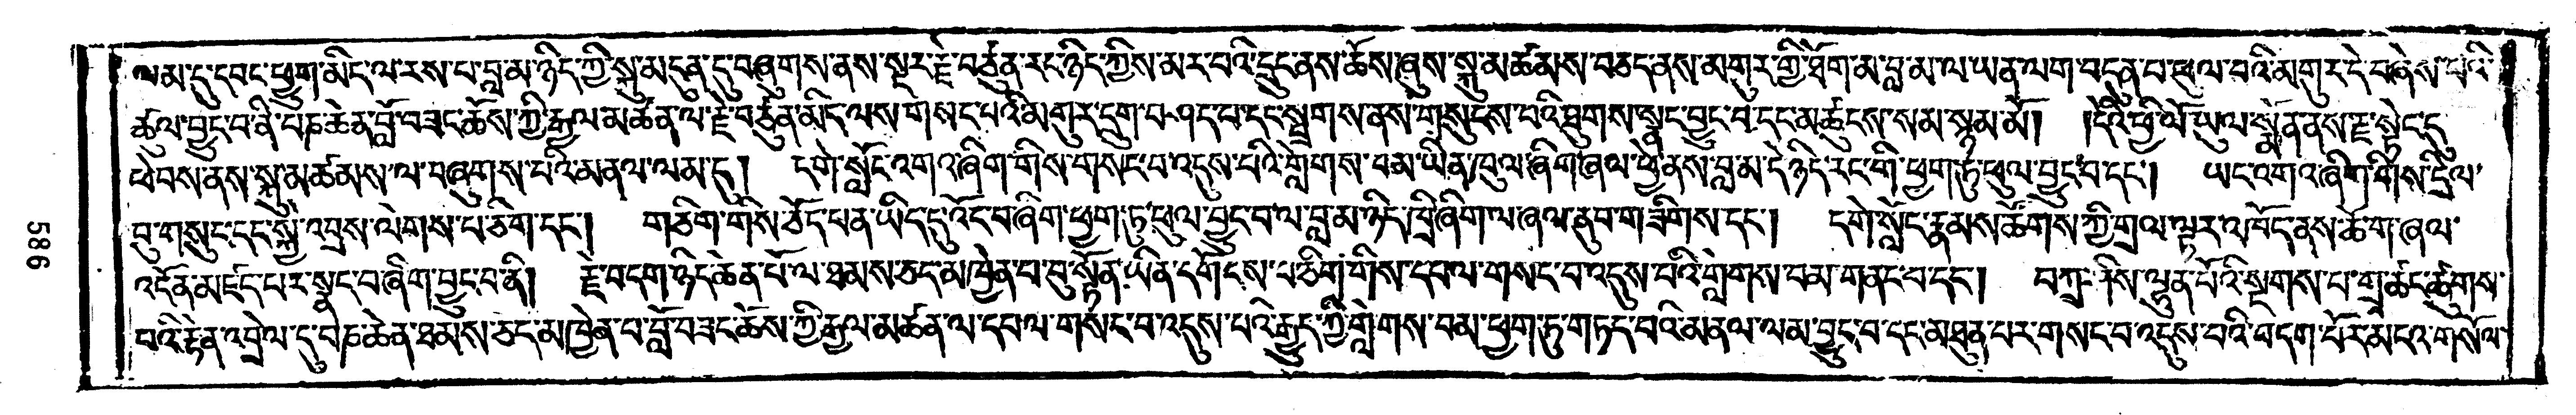ལམ་དུ་དབང་ཕྱུག་མིང་ལ་རས་པ་བླ་མ་ཉིད་ཀྱི་སྐུ་མདུན་དུ་བཞུགས་ནས་སྔར་རྗེ་བཙུན་རང་ཉིད་ཀྱིས་མར་པའི་དྲུང་ནས་ཆོས་ཞུས་སྐུ་མཚམས་བཅད་ནས་མགུར་གྱི་ཐོག་མ་བླ་མ་ལ་ཡན་ལག་བདུན་པ་ཕུལ་བའི་མགུར་དེ་བཞེས་པའི་
ཚུལ་བྱུང་བ་ནི་པཎ་ཆེན་བློ་བཟང་ཆོས་ཀྱི་རྒྱལ་མཚན་ལ་རྗེ་བཙུན་མིང་ལས་གསང་པའི་མགུར་དྲུག་བཤད་པ་དང་སྦྲགས་ནས་གསུངས་པའི་ཐུགས་སྣང་བྱུང་བ་དང་མཚུངས་སམ་སྙམ་མོ། །དེའི་ཕྱི་ལོ་ཡུལ་སྨོན་ནས་རྗ་སྟེང་དུ་
ཕེབས་ནས་སྐུ་མཚམས་ལ་བཞུགས་པའི་མནལ་ལམ་དུ། དགེ་སློང་འགའ་ཞིག་གིས་གསང་བ་འདུས་པའི་གླེགས་བམ་ཡིན་ཁུལ་ཞིག་ཞལ་ཕྱེ་ནས་བླ་མ་དེ་ཉིད་རང་གི་ཕྱག་ཏུ་ཕུལ་བྱུང་བ་དང་། ཡང་འགའ་ཞིག་གིས་དྲིལ་
བུ་གསུང་དང་སྐྱེ་འབྲས་ལེགས་པ་ཅིག་དང་། གཅིག་གིས་ཅོད་པན་ཡིད་དུ་འོང་བ་ཞིག་ཕྱག་ཏུ་ཕུལ་བྱུང་བ་ལ་བླ་མ་ཉིད་ཁྲི་ཞིག་ལ་ཞལ་ནུབ་གཟིགས་དང་། དགེ་སློང་རྣམས་ཚོགས་ཀྱི་གྲལ་ལྟར་འཁོད་ནས་ཆོ་ག་ཞལ་
འདོན་མཛད་པར་སྣང་བ་ཞིག་བྱུང་བ་ནི། རྗེ་བདག་ཉིད་ཆེན་པོ་ལ་ཐམས་ཅད་མཁྱེན་པ་བུ་སྟོན་ཡིན་དགོངས་པ་ཅིག་གིས་དཔལ་གསང་བ་འདུས་པའི་གླེགས་བམ་གནང་བ་དང་། བཀྲ་ཤིས་ལྷུན་པོའི་སྔགས་པ་གྲྭ་ཚང་ཚུགས་
པའི་རྟེན་འབྲེལ་དུ་པཎ་ཆེན་ཐམས་ཅད་མཁྱེན་པ་བློ་བཟང་ཆོས་ཀྱི་རྒྱལ་མཚན་ལ་དཔལ་གསང་བ་འདུས་པའི་རྒྱུད་ཀྱི་གླེགས་བམ་ཕྱག་ཏུ་གཏད་བའི་མནལ་ལམ་བྱུང་བ་དང་མཐུན་པར་གསང་བ་འདུས་པའི་བདག་པོར་མངའ་གསོལ་